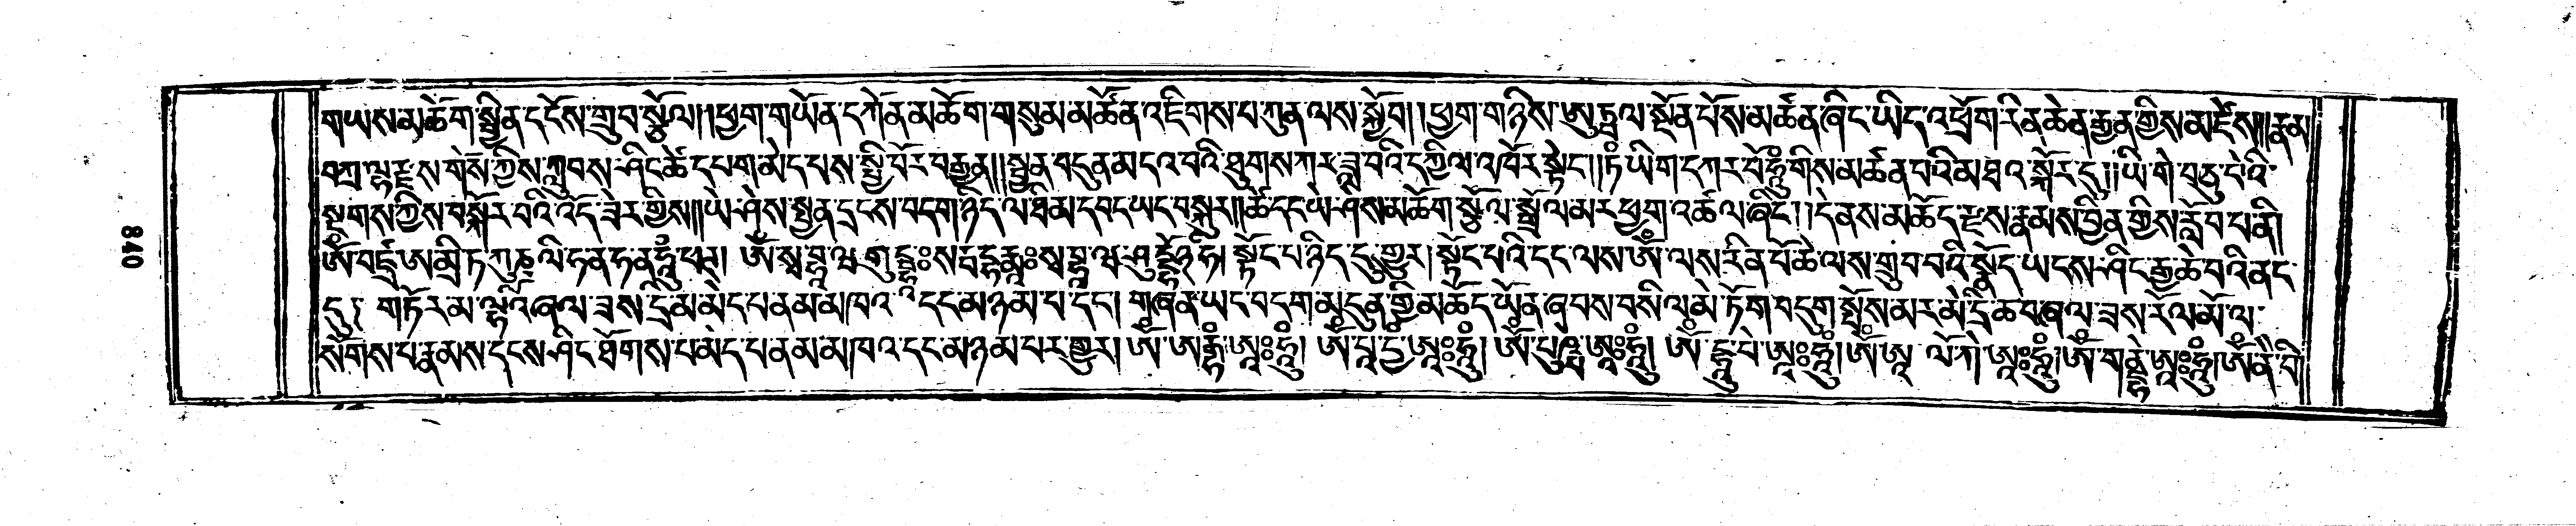གཡས་མཆོག་སྦྱིན་དངོས་གྲུབ་སྩོལ། །ཕྱག་གཡོན་དཀོན་མཆོག་གསུམ་མཚོན་འཇིགས་པ་ཀུན་ལས་སྐྱོབ། །ཕྱག་གཉིས་ཨུཏྤལ་སྔོན་པོས་མཚན་ཞིང་ཡིད་འཕྲོག་རིན་ཆེན་རྒྱན་གྱིས་མཛེས། །རྣམ་
བཀྲ་ལྷ་རྫས་གོས་ཀྱིས་ཀླུབས་ཤིང་ཚེ་དཔག་མེད་པས་སྤྱི་བོར་བརྒྱན། །སྤྱན་བདུན་མངའ་བའི་ཐུགས་ཀར་ཟླ་བའི་དཀྱིལ་འཁོར་སྟེང་། །ཏཾ་ཡིག་དཀར་པོ་ཧཱུཾ་གིས་མཚན་པའི་མཐའ་སྐོར་དུ། །ཡི་གེ་བཅུ་པའི་
སྔགས་ཀྱིས་བསྐོར་བའི་འོད་ཟེར་གྱིས། །ཡེ་ཤེས་སྤྱན་དྲངས་བདག་ཉིད་ལ་ཐིམ་དབང་ཡང་བསྐུར། །ཚེ་དང་ཡེ་ཤེས་མཆོག་སྩོལ་སྒྲོལ་མར་ཕྱག་འཚལ་ཞིང་། །དེ་ནས་མཆོད་རྫས་རྣམས་བྱིན་གྱིས་རློབ་པ་ནི།
ཨོཾ་བཛྲ་ཨ་མྲི་ཏ་ཀུཎྜ་ལི་ཧ་ན་ཧ་ན་ཧཱུཾ་ཕཊ། ཨོཾ་སྭ་བྷཱ་ཝ་ཤུདྡྷཱཿ སརྦ་དྷརྨཱཿ སྭ་བྷཱ་ཝ་ཤུདྡྷོ་ཉཧཾ། སྟོང་པ་ཉིད་དུ་གྱུར། སྟོང་པའི་ངང་ལས་ཨོཾ་ལས་རིན་པོ་ཆེ་ལས་གྲུབ་པའི་སྣོད་ཡངས་ཤིང་རྒྱ་ཆེ་བའི་ནང་
དུ། གཏོར་མ་ལྷའི་ཞལ་ཟས་དྲི་མ་མེད་པ་ནམ་མཁའ་དང་མཉམ་པ་དང་། གཞན་ཡང་བདག་མདུན་གྱི་མཆོད་ཡོན་ཞབས་བསིལ་མེ་ཏོག་བདུག་སྤོས་མར་མེ་དྲི་ཆབ་ཞལ་ཟས་རོལ་མོ་ལ་
སོགས་པ་རྣམས་དྭངས་ཤིང་ཐོགས་པ་མེད་པ་ནམ་མཁའ་དང་མཉམ་པར་གྱུར། ཨོཾ་ཨརྒྷཾ་ཨཱཿ ཧཱུཾ། ཨོཾ་པཱ་དྱཾ་ཨཱཿ ཧཱུཾ། ཨོཾ་པུཥྤེ་ཨཱཿ ཧཱུཾ། ཨོཾ་དྷཱུ་པེ་ཨཱཿ ཧཱུཾ། ཨོཾ་ཨཱ་ལོ་ཀེ་ཨཱཿ ཧཱུཾ། ཨོཾ་གནྡྷེ་ཨཱཿ ཧཱུཾ། ཨོཾ་ནཻ་བི་